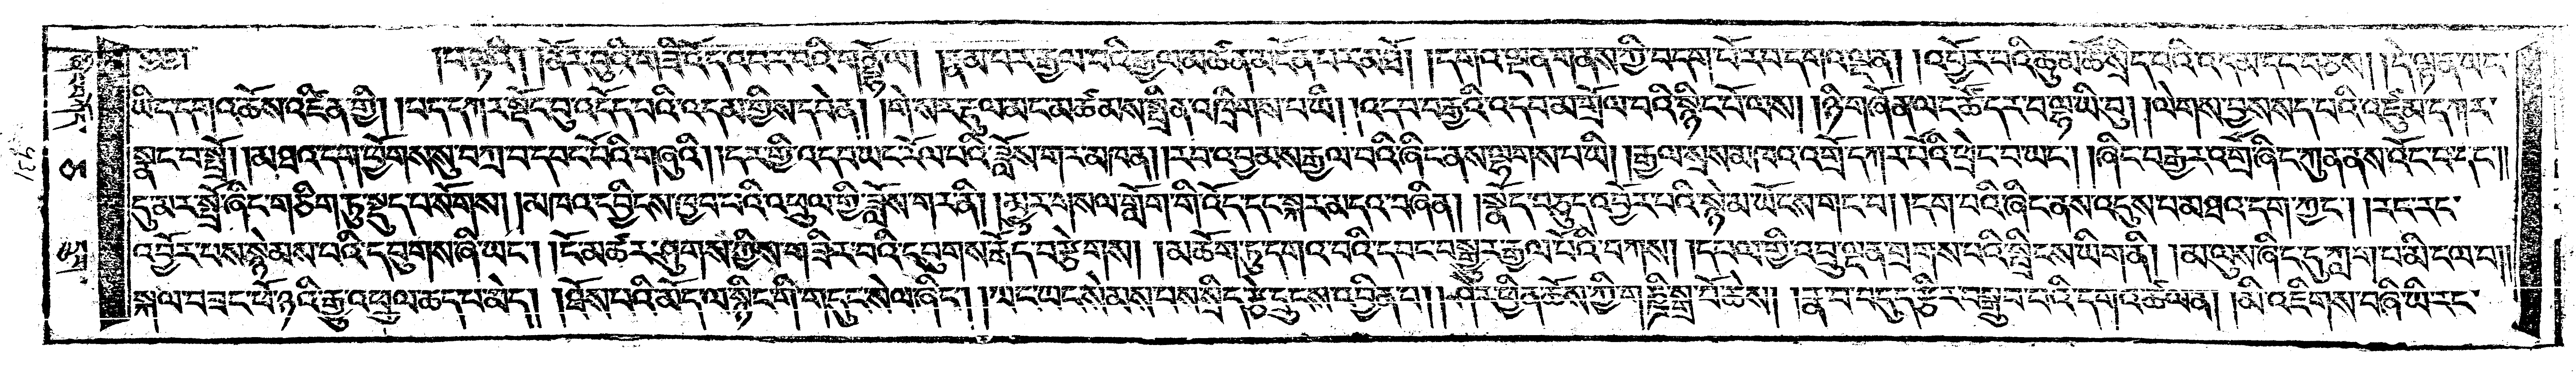༄༅། །པ་ལྟའི། །ནོར་བུའི་གཟི་འོད་འབར་བའི་གནྡྷོ་ལ། །རྣམ་པར་རྒྱལ་བའི་རྒྱལ་མཚན་མངོན་པར་མཐོ། །དགའ་ལྡན་གནས་ཀྱི་བདག་པོ་རང་དགའ་ལྡན། །འབྱོར་བའི་ཆུ་མཚོ་སྲིད་པའི་འདམ་དང་བཅས། །དེ་ལྟ་ན་ཡང་
ཡིད་དགའ་ཆོས་འཛིན་གྱི། །པད་དཀར་སྡོང་བུ་འདོད་པའི་འདམ་གྱིས་དབེན། །གེ་སར་རྡུལ་མང་མཚམས་སྤྲིན་འཁྲིགས་པ་ཡི། །འདབ་བརྒྱའི་འདབ་མ་གྲོལ་བའི་སྙིང་པོ་ལས། །ཉི་གཞོན་ལང་ཚོ་དར་བ་ལྷ་ཡི་བུ། །ལེགས་བྱས་སད་པའི་འཛུམ་དཀར་
སྣང་བ་སྤྲོ། །མཐའ་དག་ཕྱོགས་སུ་བཀྲ་བ་དབང་པོའི་གཞུའི། །དར་གྱི་འདབ་ཡང་རོལ་པའི་ཟློས་གར་མཁན། །རབ་འབྱམས་རྒྱལ་བའི་ཞིང་ནས་ལྷགས་པ་ཡི། །རྒྱལ་སྲས་མཁའ་འགྲོ་དཀར་པོའི་ཕྲེང་བ་ཡང་། །ཞིང་བརྒྱར་འགྲོ་ཞི་བཀུན་ནས་འོང་བ་དང་། །
དུ་མར་སྦྲོ་ཞིང་གཅིག་ཏུ་སྡུད་པ་སོགས། །མཁའ་དབྱིངས་ཁྱབ་པའི་འཕྲུལ་གྱི་ཟློས་གར་ནི། །མྱུར་གསལ་གློག་གི་འོད་དང་སྐར་མདའ་བཞིན། །སྣོད་བཅུད་འབྱོར་བའི་སྙེམ་ཡོངས་གང་བ། །དག་པའི་ཞིང་ནས་འདུས་བ་མཐའ་དག་ཀྱང་། །རང་རང་
འབྱོར་བས་སྙེམས་པའི་དབུགས་ཞི་ཡང་། །ངོ་མཚར་ཤུགས་ཀྱིས་གཟིར་བའི་དབུགས་རྒོད་བརྩེགས། །མཆོག་ཏུ་དགའ་བའི་དབང་བསྒྱུར་རྒྱལ་པོའི་བཀས། །དཔལ་གྱི་འབྲུ་ལྡན་གྲགས་པའི་སྒྲིངས་ཡིག་ནི། །མ་ལུས་ཞིང་དུ་ཀླག་པ་མིང་ལ་པ། །
སྐལ་བཟང་པོ་ཉའི་རྒྱུ་འཕྲུལ་ཆད་པ་མེད། །ཐོས་པའི་མོད་ལ་སྙིང་གི་གདུང་སེལ་ཞིང་། །ཡང་ཡང་སེམས་པས་སྲིད་རྩེ་དྲུངས་འབྱིན་པ། །ཤེར་ཕྱིན་ཆོས་ཀྱི་གཎྜི་སྒྲ་པོ་ཆེས། །རྣ་བ་བདུད་རྩིར་བསྒྲུབ་པའི་དགའ་ཚལ་ན། །མི་འཇིགས་བཞི་ཡི་རང་